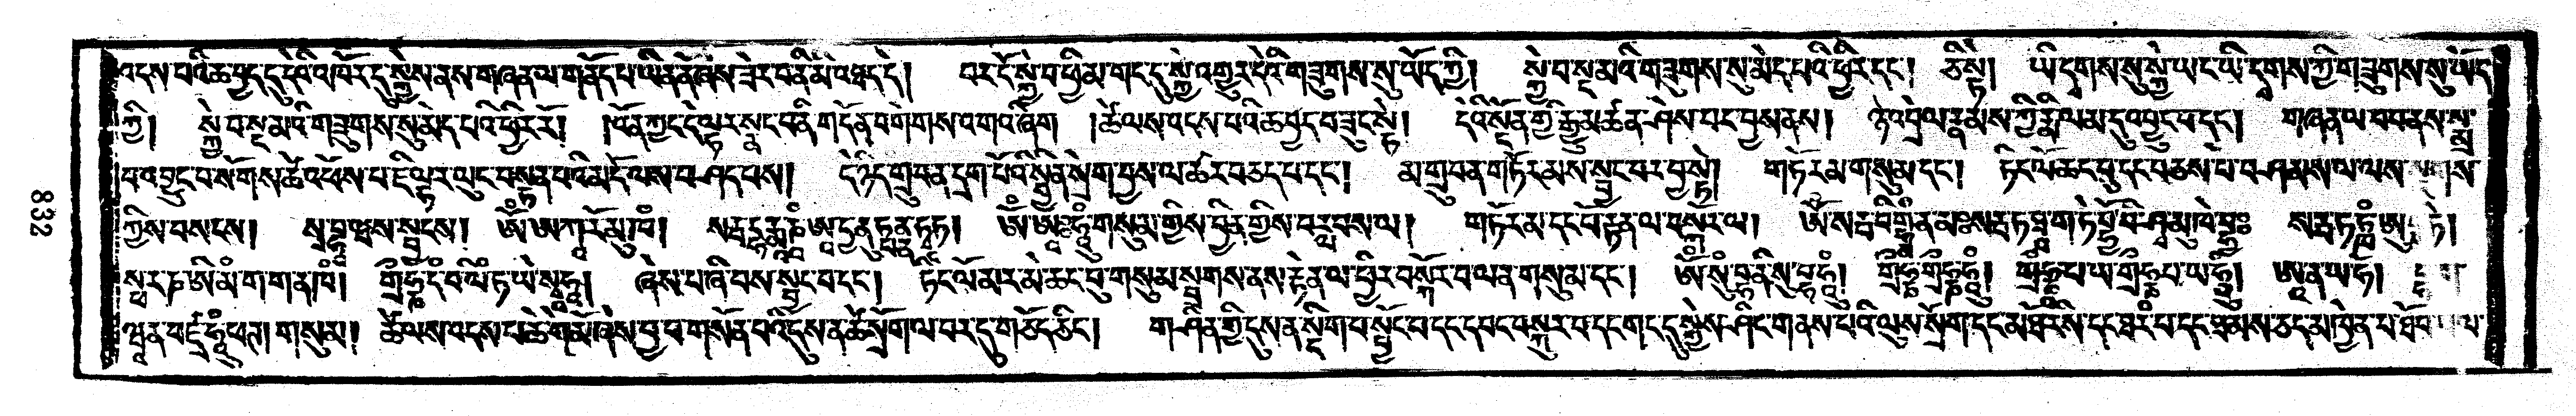འདས་བའི་ཆ་བྱད་དུ་དེའི་འཁོར་དུ་སྐྱེས་ནས་གཞན་ལ་གནོད་པ་ཡིན་ནོ་ཞེས་ཟེར་བ་ནི་མི་འཐད་དེ། བར་དོ་སྐྱེ་བ་ཕྱི་མ་གང་དུ་སྐྱེ་འགྱུར་དེའི་གཟུགས་སུ་ཡོད་ཀྱི། སྐྱེ་བ་སྔ་མའི་གཟུགས་སུ་མེད་པའི་ཕྱིར་དང་། ཅི་སྟེ། ཡི་དྭགས་སུ་སྐྱེ་ཡང་ཡི་དྭགས་ཀྱི་གཟུགས་སུ་ཡོད་
ཀྱི། སྐྱེ་བ་སྔ་མའི་གཟུགས་སུ་མེད་པའི་ཕྱིར་རོ། །འོན་ཀྱང་དེ་ལྟར་སྣང་བ་ནི་གདོན་བགེགས་འགའ་ཞིག །ཚེ་ལས་འདས་པའི་ཆ་བྱང་བཟུང་སྟེ། དེའི་སྔོན་གྱི་རྒྱུ་མཚན་ཤེས་པར་བྱས་ནས། ཉེ་འབྲེལ་རྣམས་ཀྱི་རྨི་ལམ་དུ་འབྱུང་བ་དང་། གཞན་ལ་བབ་ནས་སྨྲ་
པ་འབྱུང་བ་སོགས་ཚེ་འཕོས་པ་ཇི་ལྟར་ལུང་བསྟན་པའི་མདོ་ལས་བཤད་བས། དེ་ཉིད་གྲུབ་ན་དྲག་པོའི་སྦྱིན་སྲེག་བྱས་ལ་ཚར་བཅད་པ་དང་། མ་གྲུབ་ན་གཏོར་མས་སྦྱང་བར་བྱ་སྟེ། གཏོར་མ་གསུམ་དང་། ཏིང་ལོ་ཆང་བུ་དང་བཅས་པ་བཤམས་ལ་ལས་སྔགས་
ཀྱིས་བསངས། སྲ་བྷཱ་ཝས་སྦྱངས། ཨོཾ་ཨ་ཀཱ་རོ་མུ་ཁཾ། སརྦ་དྷ་རྨཱ་ཎཱཾ་ཨཱ་དྱ་ནུ་ཏྤྣྣ་ཏཝའཏ། ཨོཾ་ཨཱཿཧཱུཾ་གསུམ་གྱིས་བྱིན་གྱིས་བརླབས་ལ། གཏོར་མ་དང་བོ་རྟན་ལ་བསྐོར་ལ། ཨོཾ་རྦ་བི་གཤཾ་ན་མཿསརྦ་ཏ་ཐཱ་ག་ཏེ་བྷྱོ་བི་ཤྭ་མུ་ཁེ་བྷྱཿསརྦ་ཏ་ཏྑཾ་ཨུ་བྷ་ཏེ།
སྥར་ཎ་ཨི་མཾ་ག་ག་ན་ཁཾ། གྲྀ་ཧྞ་དཾ་བ་ལིཾ་ཏ་ཡེ་སྭཱ་ཧཱ། ཞེས་པ་ཞི་བས་སྦྱང་བ་དང་། ཏིང་ལོ་མར་མེ་ཆང་བུ་གསུམ་སྦྲགས་ནས་རྟེན་ལ་ཕྱིར་བསྐོར་བ་ལན་གསུམ་དང་། ཨོཾ་སུཾ་བྷ་ནི་སུ་བྷ་ཧཱུཾ། གྲྀ་ཧྞ་གྲྀ་ཧྞ་ཧཱུཾ། གྲྀ་ཧྞཱ་པ་ཡ་གྲྀ་ཧྞ་པ་ཡ་ཧཱུཾ། ཨཱ་ན་ཡ་ཧ། བྷ་ག་
ཝཱ་ན་བཛྲ་ཧཱུཾ་ཕཊ། གསུམ། ཚེ་ལས་བདས་པ་ཆེ་གེ་མོ་ཞེས་བྱ་བ་གསོན་པའི་དུས་ན་ཚེ་སྲོག་ལ་བར་དུ་གཅོད་ཅིང་། གཤིན་གྱི་དུས་ན་སྡིག་པ་སྤྱོང་བ་དང་དབང་བསྐུར་བ་དང་གང་དུ་སྐྱེས་ཤིང་གནས་པའི་ལུས་སྲོག་དང་མཐོར་སི་དང་ཐ་རཾ་པ་དང་ཐམས་ཅད་མཁྱེན་པ་ཐོབ་བ་ལ་